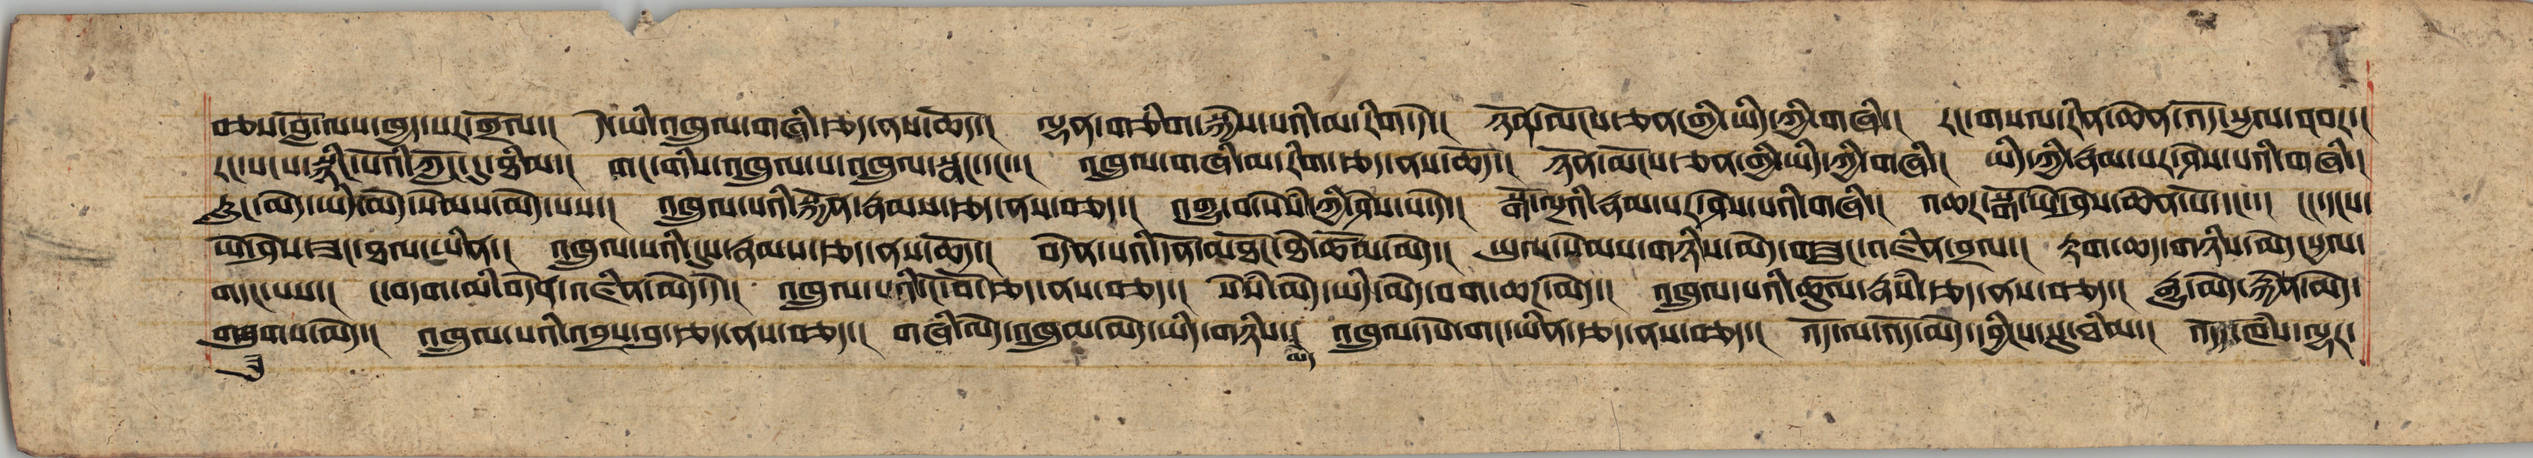བཅས་བློ་ལས་ཁྱད་པར་གྲོལ་། དེ་ཡི་འཁྲུལ་གཞི་རྩད་ནས་ཆོད་། ལྷན་གཅིག་སྐྱེས་པའི་མ་རིག་དེ་། ཉོན་མོངས་ཅན་གྱི་ཡིད་ཀྱི་གཞི་། རང་གསལ་རིན་ཆེན་འོད་སྱལ་འབར་།
རང་སངས་སྙིང་པོའི་ཀློང་དུ་ཐིམ་། གང་གིས་འཁྲུལ་པ་འཁྲུལ་སྣང་དང་་། འཁྲུལ་གཞི་མ་རིག་རྩད་ནས་ཆོད་། ཉོན་མོངས་་ཅན་གྱི་ཡིད་ཀྱི་གཞི་། ཡིད་ཀྱི་རྣམ་པར་ཤེས་པའི་གཞི་།
རླང་མེད་ཡིད་མེད་སེམས་མེད་པས་། འཁྲུལ་པའི་སྐྱོན་རྣམས་རྩད་ནས་བཅད་། འགྱུ་བ་སེམས་ཀྱི་ཤེས་པ་དེ་། སྒོ་ལྔའི་རྣམ་པར་ཤེས་པའི་གཞི་། འཆར་སྒོ་ཡེ་ཤེས་ཆེན་པོ་དང་་། ངང་དངས་
ཡེ་ཤེས་ཟང་ཐལ་ཡིན་། འཁྲུལ་པའི་དུས་རྣམས་རྩད་ནས་ཆོད་། བདེན་པའི་དོན་མཐོང་ཐེ་ཚོམ་མེད་། ཡུལ་སེམས་གཉིས་མེད་གཟུང་འཛིན་བྲལ་། རྟག་ཆད་གཉིས་མེད་སྱལ་
གདང་པས་། ང་བདག་མི་བདེན་འཛིན་མེད་དེ་། འཁྲུལ་པའི་ངོ་བོ་རྩད་ནས་བཅད་། སེསཾ་མེད་ཡིད་མེད་བག་ཆཌ་མེད་། འཁྲུལ་པའི་ཚུལ་རྣྱཾས་རྩད་ནས་བཅད་། རྒྱུ་མེད་རྐྱེན་མེད་
གཟུགས་མེད་། འཁྲུལ་པའི་འབྲས་བུ་རྩད་ནས་བཅད་། གཞི་མེད་འཁྲུལ་མེད་ཡིད་གཉིས་མེད་། འཁྲུལ་དཔེ་གང་ཡིན་རྩད་ནས་བཅད་། འོད་ལ་འོད་མེད་དབྱིངས་སུ་ཐིམ་། འདོད་ཁཾས་ལྷར་